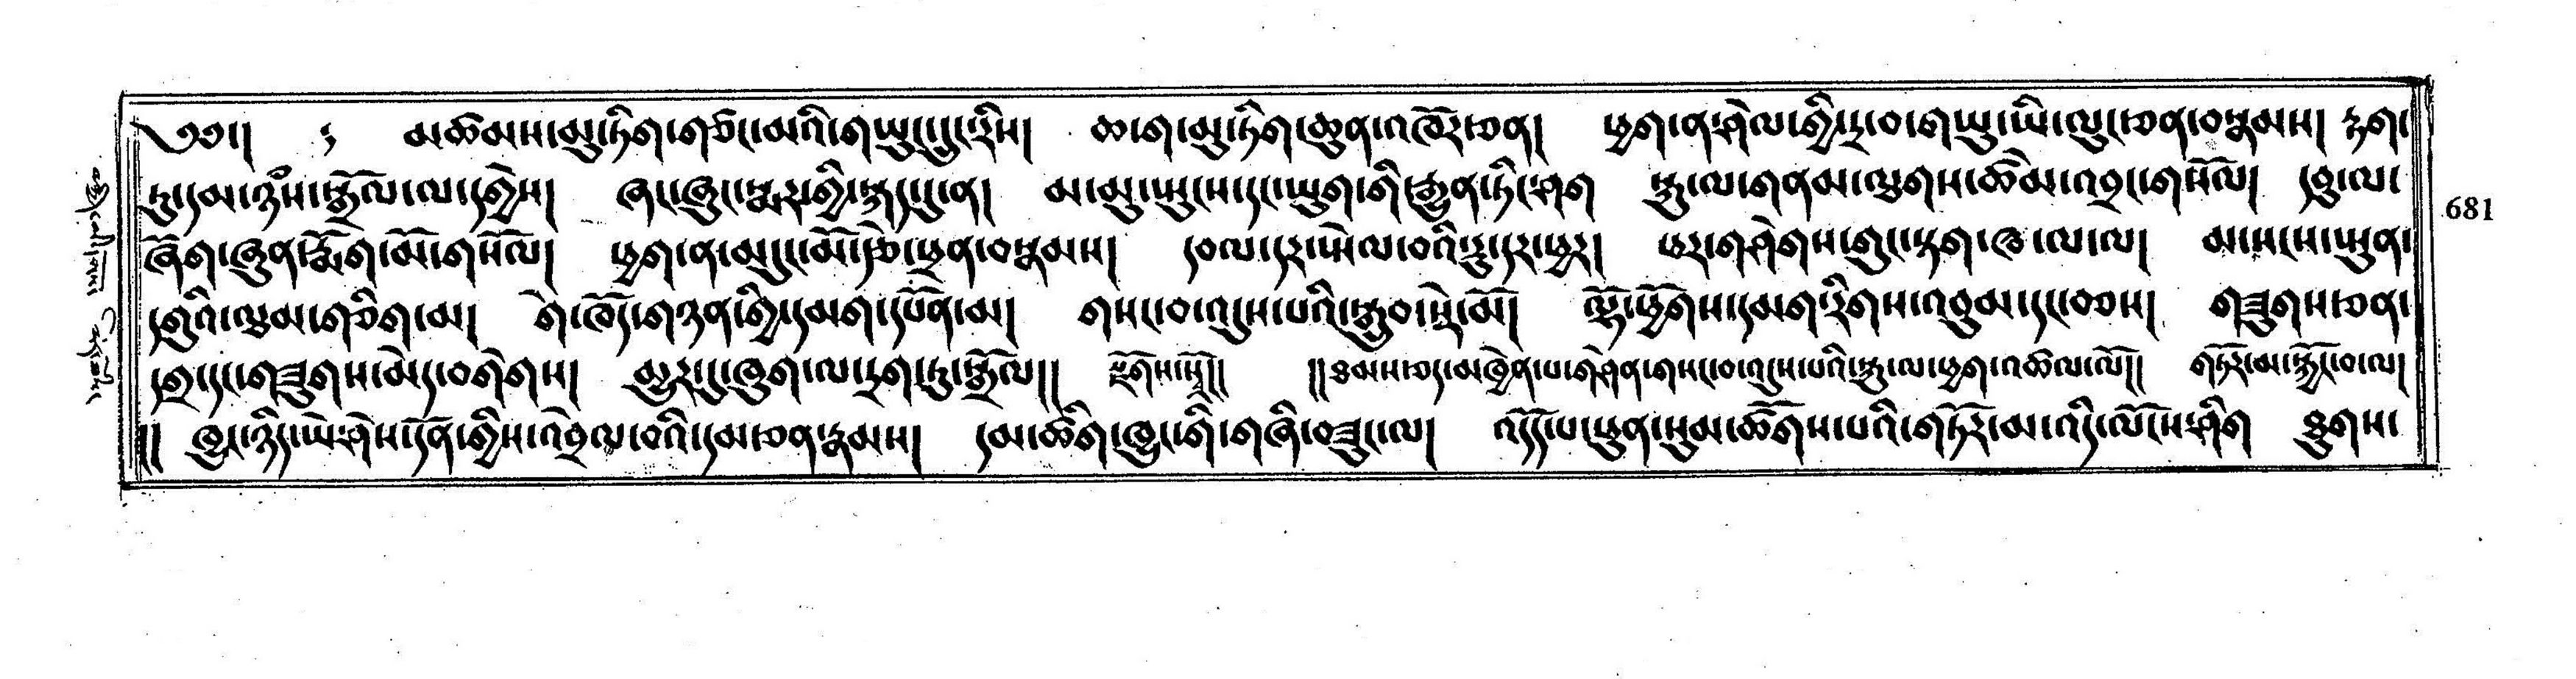མཚམས་མུ་ཏིག་གཙང་མའི་གཡུང་དྲུང་རིས། ཆ་ག་མུ་ཏིག་ཆུན་འཁོར་ཅན། ཕྱག་ན་ཤེལ་གྱི་དྲ་བ་གཡུ་ཡི་ལུང་ཅན་བསྣམས། རྟག་
ཏུ་དམ་ཉམས་སྒྲོལ་ལ་དགྱེས། ཞང་ཞུང་སྨར་གྱི་སྐད་དུ་ན། མ་མུ་སྤུངས་དང་ཡུག་གི་རྒྱུན་ཏིང་ཤག སྐུ་ལ་གནམ་ལྕགས་ཚེམ་འབྲང་གསོལ། དབུ་ལ་
ཞོག་ཞུན་རྨོག་མོ་གསོལ། ཕྱག་ན་མདུང་མོ་རྩེ་ཕྲན་བསྣམས། དབལ་དར་སྤེལ་བའི་རུ་དར་ཕྱར། ཕར་གཤེགས་གུང་སྟག་ཝ་ལ་ལ། མ་སངས་སྤུན་
དགུའི་ལྕམ་གཅིག་མ། གེ་ཁོད་གཉན་གྱི་དམག་དཔོན་མ། གསང་བ་འདུས་པའི་སྒྲུབ་སྡེ་མོ། ལྷོ་ཕྱོགས་དམག་རིགས་འབུམ་དང་བཅས། གཟུགས་ཅན་
དགྲ་དང་གཟུགས་མེད་བགེགས། མྱུར་དུ་ཁུག་ལ་དྲག་ཏུ་སྒྲོལ།། རྫོགས་སྭཱོ།། །།ཐམས་ཅད་མཁྱེན་པ་གཤེན་གསང་བ་འདུས་པའི་སྐུ་ལ་ཕྱག་འཚལ་ལོ།། གཏོར་མ་སྐྱོང་བ་ལ། 
།།ཁྱུང་ཉིད་ཡེ་ཤེས་དོན་གྱིས་འབྲེལ་བའི་དམ་ཅན་རྣམས། དམ་ཚིག་ཁྱུང་གི་གཞི་བཟུང་ལ། འདོད་པ་ཕུན་སུམ་ཚོགས་པའི་གཏོར་མ་འདི་ལོངས་ཤིག ཐུགས་